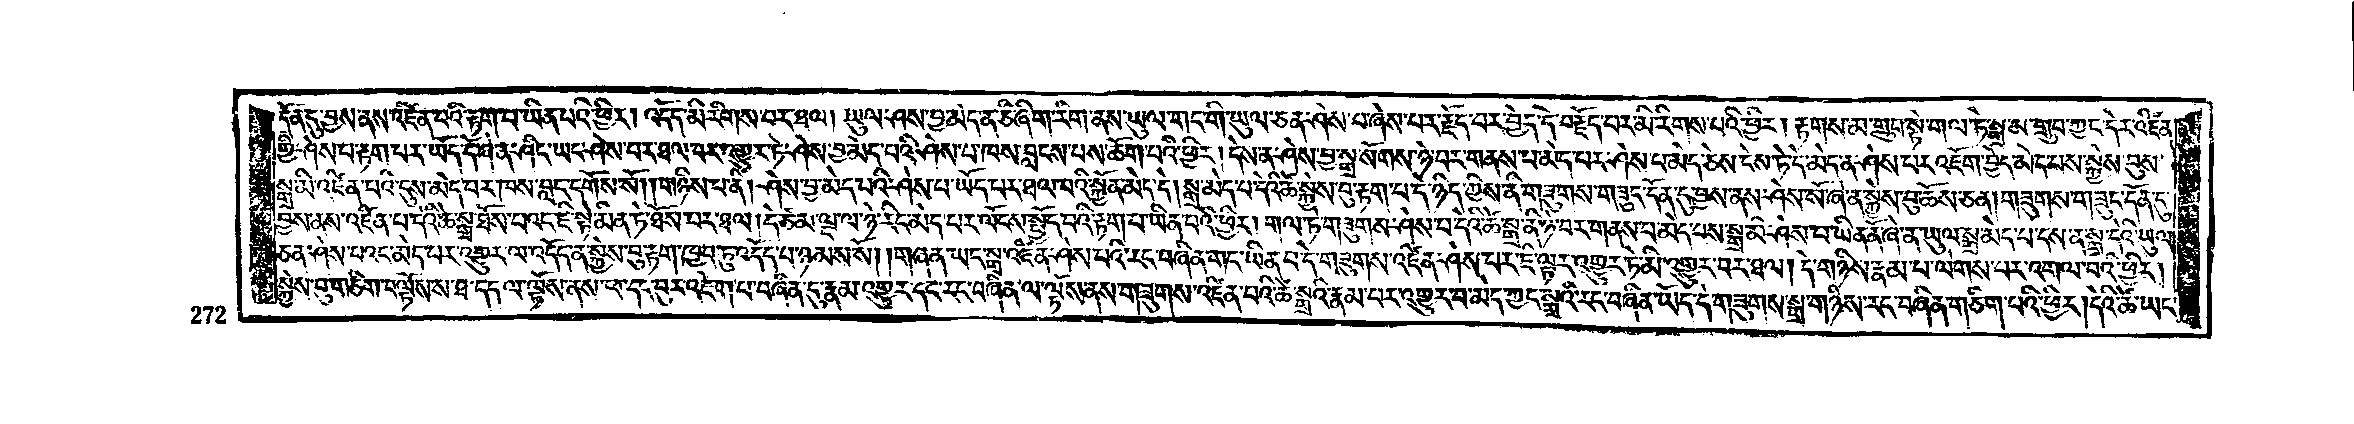དོན་དུ་བྱས་ནས་འཛིན་པའི་རྟག་པ་ཡིན་པའི་ཕྱིར། འདོད་མི་རིགས་པར་ཐལ། ཡུལ་ཤེས་བྱ་མེད་ན་ཅི་ཞིག་རིག་ནས་ཡུལ་གང་གི་ཡུལ་ཅན་ཤེས་པ་ཞེས་པར་རྗོད་པར་བྱེད་དེ་བརྗོད་པར་མི་རིགས་པའི་ཕྱིར། རྟགས་མ་གྲུབ་སྟེ་གལ་ཏེ་སྒྲ་མ་གྲུབ་ཀྱང་དེར་འཛིན་
གྱི་ཤེས་པ་རྟག་པར་ཡོད་དོ་ཞེ་ན་ཤིང་ཡང་ཤེས་པར་ཐལ་བར་འགྱུར་ཏེ་ཤེས་བྱ་མེད་པའི་ཤེས་པ་ཁས་བླངས་པས་ཆོག་པའི་ཕྱིར། དེས་ན་ཤེས་བྱ་སྒྲ་སོགས་ཉེ་བར་གནས་པ་མེད་པར་ཤེས་པ་མེད་ཅེས་ངེས་ཏེ་དེ་མེད་ན་ཤེས་པར་འཇོག་བྱེད་མེད་པས་སྐྱེས་བུས་
སྒྲ་མི་འཛིན་པའི་དུས་མེད་པར་ཁས་བླང་དགོས་སོ། །གཉིས་པ་ནི། ཤེས་བྱ་མེད་པའི་ཤེས་པ་ཡོད་པར་ཐལ་བའི་སྐྱོན་མེད་དེ། སྒྲ་མེད་པ་དེའི་ཚེ་སྐྱེས་བུ་རྟག་པ་དེ་ཉིད་ཀྱིས་ནི་གཟུགས་གཟུང་དོན་དུ་བྱས་ནས་ཤེས་སོ་ཞེ་ན་སྐྱེས་བུ་ཆོས་ཅན། གཟུགས་གཟུང་དོན་དུ་
བྱས་ནས་འཛིན་པ་དེའི་ཆེ་སྒྲ་ཐོས་པའང་ཇི་སྟེ་མིན་ཏེ་ཐོས་པར་ཐལ། དེ་ཙམ་ལྔ་ལ་ཉེ་རིང་མེད་པར་ལོངས་སྤྱོད་པའི་རྟག་པ་ཡིན་པའི་ཕྱིར། གལ་ཏེ་གཟུགས་ཤེས་པ་དེའི་ཚེ་སྒྲ་ནི་ཉེ་བར་གནས་པ་མེད་པས་སྒྲ་མི་ཤེས་པ་ཡིན་ནོ་ཞེ་ན་ཡུལ་སྒྲ་མེད་པ་དེས་ན་སྒྲ་དེའི་ཡུལ་
ཅན་ཤེས་པའང་མེད་པར་འགྱུར་ལ་འདོད་ན་སྐྱེས་བུ་རྟག་ཁྱབ་ཏུ་འདོད་པ་ཉམས་སོ། །གཞན་ཡང་སྒྲ་འཛིན་ཤེས་པའི་རང་བཞིན་གང་ཡིན་པ་དེ་གཟུགས་འཛིན་ཤེས་པར་ཇི་ལྟར་འགྱུར་ཏེ་མི་འགྱུར་བར་ཐལ། དེ་གཉིས་རྣམ་པ་ལེགས་པར་འགལ་བའི་ཕྱིར།
སྐྱེས་བུ་གཅིག་བལྟོས་ས་ཐ་དད་ལ་ལྟོས་ནས་ཕ་དང་བུར་འཇིག་པ་བཞིན་དུ་རྣམ་འགྱུར་དང་རང་བཞིན་ལ་ལྟོས་ནས་གཟུགས་འཛིན་པའི་ཚེ་སྒྲའི་རྣམ་པར་འགྱུར་བ་མེད་ཀྱང་སྒྲའི་རང་བཞིན་ཡོད་དེ་གཟུགས་སྒྲ་གཉིས་རང་བཞིན་གཅིག་པའི་ཕྱིར། དེའི་ཚེ་ཡང་